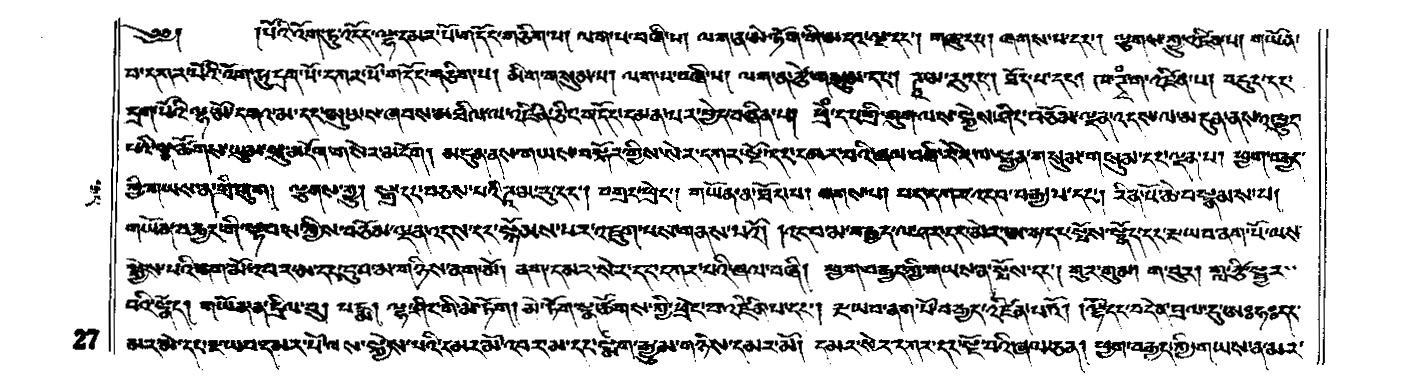༄༅། །པོའི་འོག་ཏུ་འདོད་ལྷ་དམར་པོ་གདོང་གཅིག་པ། ལག་པ་བཞི་པ། ལག་ན་མེ་ཏོག་གི་མདའ་ལྔ་དང་། གཞུ་དང་། ཞགས་པ་དང་། ལྕགས་ཀྱུ་འཛིན་པ། གཡོན་
པ་དཀར་པོའི་འོག་ཏུ་དྲག་པོ་དཀར་པོ་གདོང་གཅིག་པ། མིག་གསུམ་པ། ལག་པ་བཞི་པ། ལག་ན་རྩེ་གསུམ་དང་། ཌཱ་མ་རུ་དང་། ཐོད་པ་དང་། ཁ་ཊྭཾ་ག་འཛིན་པ། བདུད་དང་
དྲག་པོའི་ལྷ་མོ་དགའ་མ་དང་ཨུ་མས་ཞབས་མཐིལ་ལ་འཛིན་ཅིང་གདོང་དམན་པར་བྱེད་བཞིན་པ། ཕྲེཾ་དང་གྲི་གུག་ལས་སྐྱེས་ཤིང་བཅོམ་ལྡན་འདས་ལ་མདུན་ནས་འཁྱུད་
པའི་སྣ་ཚོགས་ཡུམ་སྐུ་མདོག་གསེར་མདོག། མདུན་ནས་གཡས་བསྐོར་གྱིས་སེར་དཀར་སྔོ་དང་དམར་བའི་ཞལ་བཞི་རེ་རེ་ལ་སྤྱན་གསུམ་གསུམ་དང་ལྡན་པ། ཕྱག་བརྒྱད་
ཀྱི་གཡས་ན་གྲི་གུག། ལྕགས་ཀྱུ། སྒྲ་དང་བཅས་པའི་ཌཱ་མ་རུ་དང་། བགྲང་ཕྲེང་། གཡོན་ན་ཐོད་པ། ཞགས་པ། པད་དཀར་འདབ་བརྒྱ་པ་དང་། རིན་པོ་ཆེ་བསྣམས་པ།
གཡོན་བརྐྱང་གི་སྟབས་ཀྱིས་བཅོམ་ལྡན་འདས་དང་སྙོམས་པར་འཇུག་པས་གནས་པའོ། །འདབ་མ་བརྒྱད་ལ་ཤར་དང་མེར་ཨ་ཧ་དང་སྤོས་སྣོད་དང་རྔ་ཡབ་ནག་པོ་ལས་
སྐྱེས་པའི་ནག་མོ་འབར་མ་དང་དུ་བ་མ་གཉིས་ནག་མོ། ནག་དམར་སེར་དང་དཀར་པའི་ཞལ་བཞི། ཕྱག་བརྒྱད་ཀྱི་གཡས་ན་སྤོས་དང་། གུར་གུམ། ག་བུར། གླ་རྩི་སྦྱར་
བའི་སྣོད། གཡོན་ན་དྲིལ་བུ། པདམ། ལྷ་ཤིང་གི་མེ་ཏོག། མེ་ཏོག་སྣ་ཚོགས་ཀྱི་ཕྲེང་བ་འཛིན་པ་དང་། རྔ་ཡབ་ནག་པོ་བརྒྱད་འཛིན་པའོ། །ལྷོ་དང་བདེན་བྲལ་དུ་ཨཿ ཧཿ དང་
མར་མེ་དང་རྔ་ཡབ་དམར་པོ་ལས་སྐྱེས་པའི་དམར་མོ་འབར་མ་དང་སྨིག་རྒྱུ་མ་གཉིས་དམར་མོ། དམར་སེར་དཀར་དང་སྔོ་བའི་ཞལ་ཅན། ཕྱག་བརྒྱད་ཀྱི་གཡས་ན་མར་